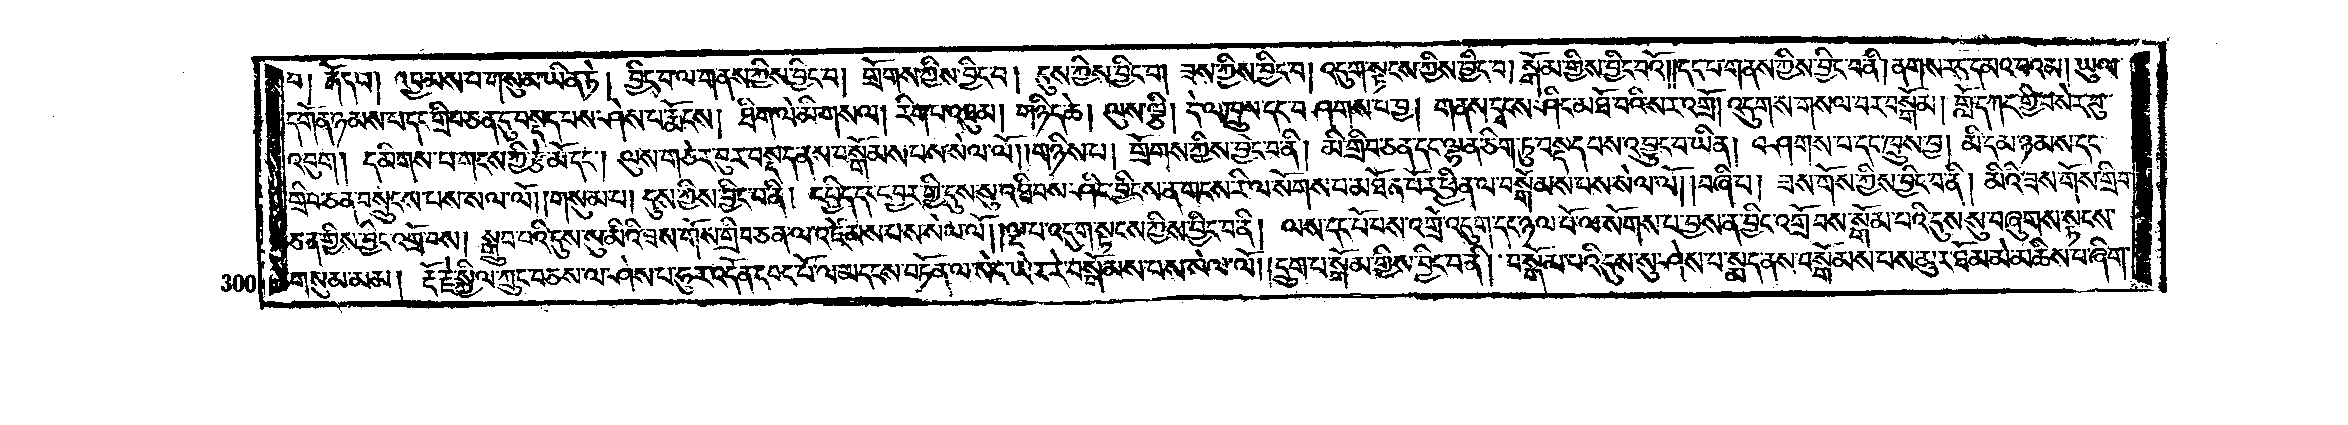པ། རྒོད་པ། འབྱམས་པ་གསུམ་ཡིན་ཏེ། བྱིང་བ་ལ་གནས་ཀྱིས་བྱིང་བ། གྲོགས་ཀྱིས་བྱིང་བ། དུས་ཀྱིས་བྱིང་བ། ཟས་ཀྱིས་བྱིད་བ། འདུག་སྟངས་ཀྱིས་བྱིང་བ། སྒོམ་གྱིས་བྱིང་བའོ། །དང་པ་གནས་ཀྱིས་བྱིང་བ་ནི། ནགས་རང་དམའ་བའམ། ཡུལ་
དགོན་ཉམས་པ་དང་གྲིབ་ཅན་དུ་བསྡད་པས་ཤེས་པ་རྨོངས། ཐིག་ལེ་མི་གསལ། རིག་པ་འཐུམ། གཉིད་ཆེ། ལུས་ལྕི། དེ་ལ་ཁྲུས་དང་བཤགས་པ་བྱ། གནས་དྭངས་ཤིང་མཐོ་བའི་སར་འགྲོ། འདུགས་གསལ་བར་བསྒོམ། གློ་དཀང་གྱི་བསེར་བུ་
འབུག །དམིགས་པ་གངས་ཀྱི་རྩེ་མོ་དང་། ལུས་གཅེར་བུར་བསྡད་ནས་བསྒོམས་པས་སེལ་ལོ། །གཉིས་པ། གྲོགས་ཀྱིས་བྱེད་བ་ནི། མི་གྲིབ་ཅན་དང་ལྷན་ཅིག་ཏུ་བསྡད་པས་འབྱུང་བ་ཡིན། བཤགས་པ་དང་ཁྲུས་བྱ། མི་དམ་ཉམས་དང་
གྲིབ་ཅན་བསྲུངས་པས་སལ་ལོ། །གསུམ་པ། དུས་ཀྱིས་བྱིང་བ་ནི། དཔྱིད་དང་དབྱར་གྱི་དུས་སུ་འཐིབས་ཤིང་བྱིངས་ན་གངས་རི་ལ་སོགས་པ་མཐོན་པོར་ཕྱིན་ལ་བསྒོམས་པས་སེལ་ལོ། །བཞི་པ། ཟས་གོས་ཀྱིས་བྱིང་བ་ནི། མིའི་ཟས་གོས་གྲིབ་
ཅན་གྱིས་བྱིང་འགྲོ་བས། སྒྲུབ་པའི་དུས་སུ་མིའི་ཟས་གོས་གྲིབ་ཅན་ལ་འཛེམས་པས་སེལ་ལོ། །ལྔ་པ་འདུག་སྟངས་ཀྱིས་བྱིང་བ་ནི། ལས་དང་པོ་པས་འགྲོ་འདུག་དང་ཉལ་པོ་ལ་སོགས་པ་བྱས་ན་བྱིང་འགྲོ་བས་སྒོམ་པའི་དུས་སུ་བཞུགས་སྟངས་
གསུམ་མམ། རྡོ་རྗེ་སྐྱིལ་ཀྲུང་བཅས་ལ་ཤེས་པ་ཧུར་འདོན་དབང་པོ་ལ་མདངས་བཏོན་ལ་སེང་ཡེར་རེ་བསྒོམས་པས་སེལ་ལོ། །དྲུག་པ་སྒོམ་གྱིས་བྱིང་བ་ནི། བསྒོམ་པའི་དུས་སུ་ཤེས་པ་སྨད་ནས་བསྒོམས་པས་མུར་ཐོམ་མེ་མཆིས་པ་ཞིག་